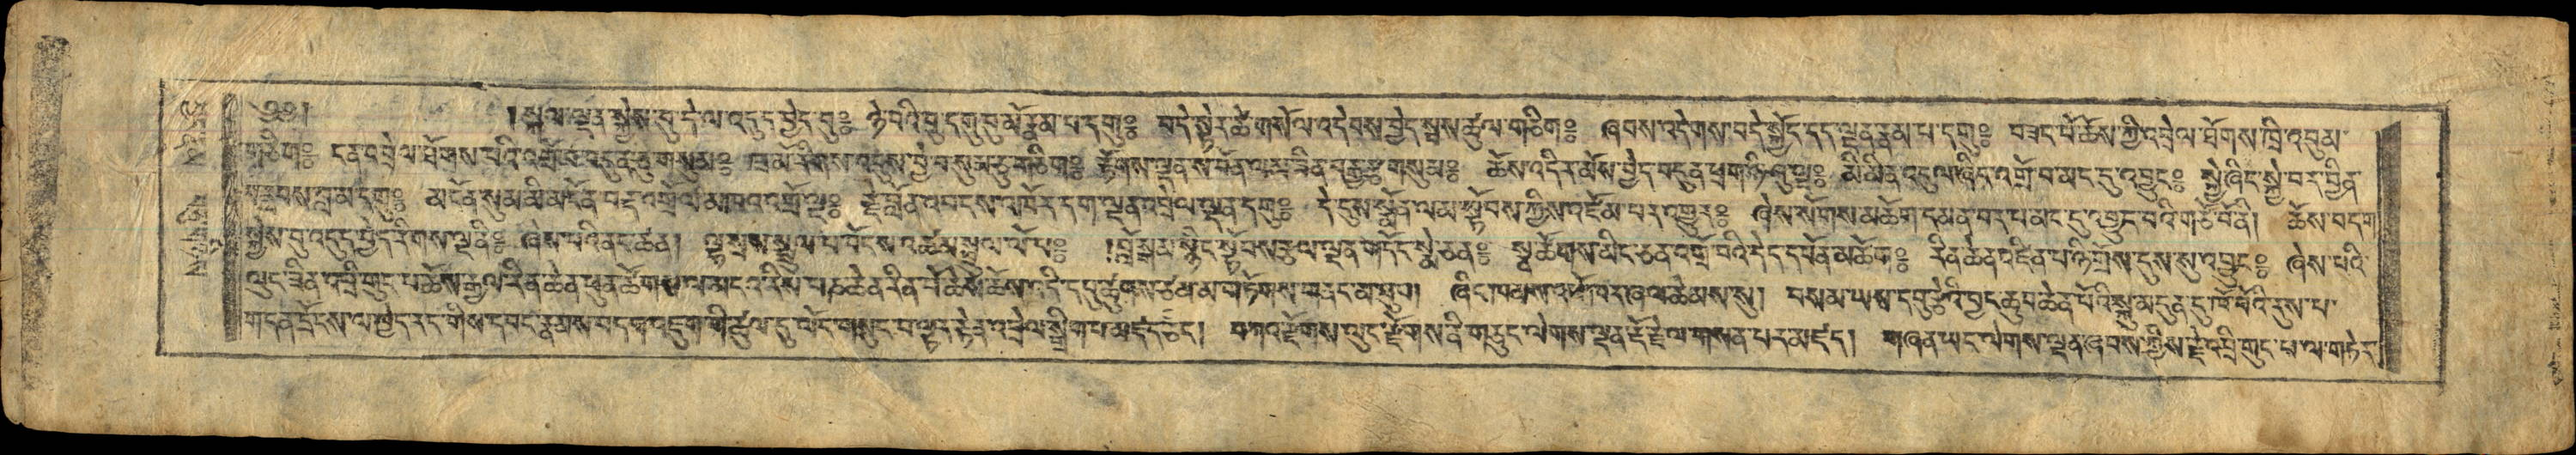༄༅། །སྐལ་ལྡན་སྐྱེས་བུ་དེ་ལ་འདུད་བྱེད་བུཿ་ཉེ་བའི་བུ་དགུ་བུ་མོ་རྣམ་པ་དགུཿ་བདེ་སྟེར་ཚེ་གསོལ་འདེབས་བྱད་སྦས་ཚུལ་གཅིགཿ་ཞབས་འདེགས་བདེ་སྐྱོང་དད་ལྡན་རྣམ་པ་དགུཿ་བཟང་པོ་ཆོས་ཀྱི་འབྲེལ་ཐོགས་ཁྲི་འབུམ་
གཅིགཿ་ངན་འབྲེལ་ཐོགས་པའི་འགྲོ་བ་བདུན་ཅུ་གསུམཿ་ཁྲ་མོ་རིགས་འདུས་བྱེ་བ་སུམ་ཅུ་གཅིགཿ་རྟོགས་ལྡན་ས་བོན་ལམ་ཟིན་བརྒྱ་རྩ་གསུམཿ་ཆོས་འདིར་མོས་བྱེད་བདུན་ཕྲག་ཉི་ཤུ་ལྔཿ་མི་མིན་འདུལ་ཞིང་འགྲོ་བ་མང་དུ་འབྱུངཿ་སྐྱེ་ཞིང་སྐྱེ་བར་བྱིན་
བརླབས་བླ་མ་དགུཿ་མངོན་སུམ་མི་མངོན་བརྡ་འགྲོལ་མཁའ་འགྲོ་ལྔཿ་རྗེ་བློན་འབངས་འཁོར་དབལ་ལྡན་འབྲེལ་ལྡན་དགུཿ་དེ་དུས་སྨོན་ལམ་སྟོབས་ཀྱིས་འཛོམ་པར་འགྱུརཿ་ཞེས་སོགས་མཆོག་དམན་པར་པ་མང་དུ་འབྱུང་བའི་གཙོ་བོ་ནི། ཆོས་བདག་
སྐྱེས་བུ་འདུད་བྱེད་རིགས་ལྔ་ནིཿ་ཞེས་པའི་ནང་ཚན། ལྷ་སྲས་སྤྲུལ་པ་བོངས་འཚམ་སྦྲུལ་ལོ་པཿ་།བློ་སྒམ་སྙིང་སྟོབས་རྩལ་ལྡན་གདོང་སྨེ་ཅནཿ་སྣ་ཚོགས་མིང་ཅན་འགྲོ་བའི་དེད་དཔོན་མཆོགཿ་རིན་ཆེན་འཛིན་པ་ཉི་གྲེས་དུས་སུ་འབྱུངཿ་ཞེས་པའི་
ལུང་ཟིན་འབྲི་གུད་པ་ཆོས་རྒྱལ་རིན་ཆེན་ཕུན་ཚོགས་ལ་མངའ་རིས་པཎ་ཆེན་རིན་པོ་ཆེས་ཆོས་འདི་དབུ་ཚུགས་ཙམ་མ་གཏོགས་གནང་མ་ཐུབ། ཞིང་ཁམས་འཕོ་ཁར་ཞལ་ཆེམས་སུ། བསམ་ཡས་དབུ་རྩེའི་བྱང་ཆུབ་ཆེན་པོའི་སྐུ་མདུན་དུ་ཁོ་བོའི་རུས་པ་
གདན་དྲོངས་ལ་ཁྱེད་རང་གིས་དབང་རྣམས་བདག་འཇུག་གི་ཚུལ་དུ་ལོང་གསུང་བ་ལྟར་རྟེན་འབྲེལ་སྒྲིག་པ་མཛད་ཅིང་། བཀའ་རྫོགས་ལུང་རྫོགས་ནི་གཅུང་ལེགས་ལྡན་རྡོ་རྗེ་ལ་གསན་པར་མཛད། གཞན་ཡང་ལེགས་ལྡན་ཞབས་ཀྱིས་རྗེ་འབྲི་གུང་པ་ལ་གཏེར་